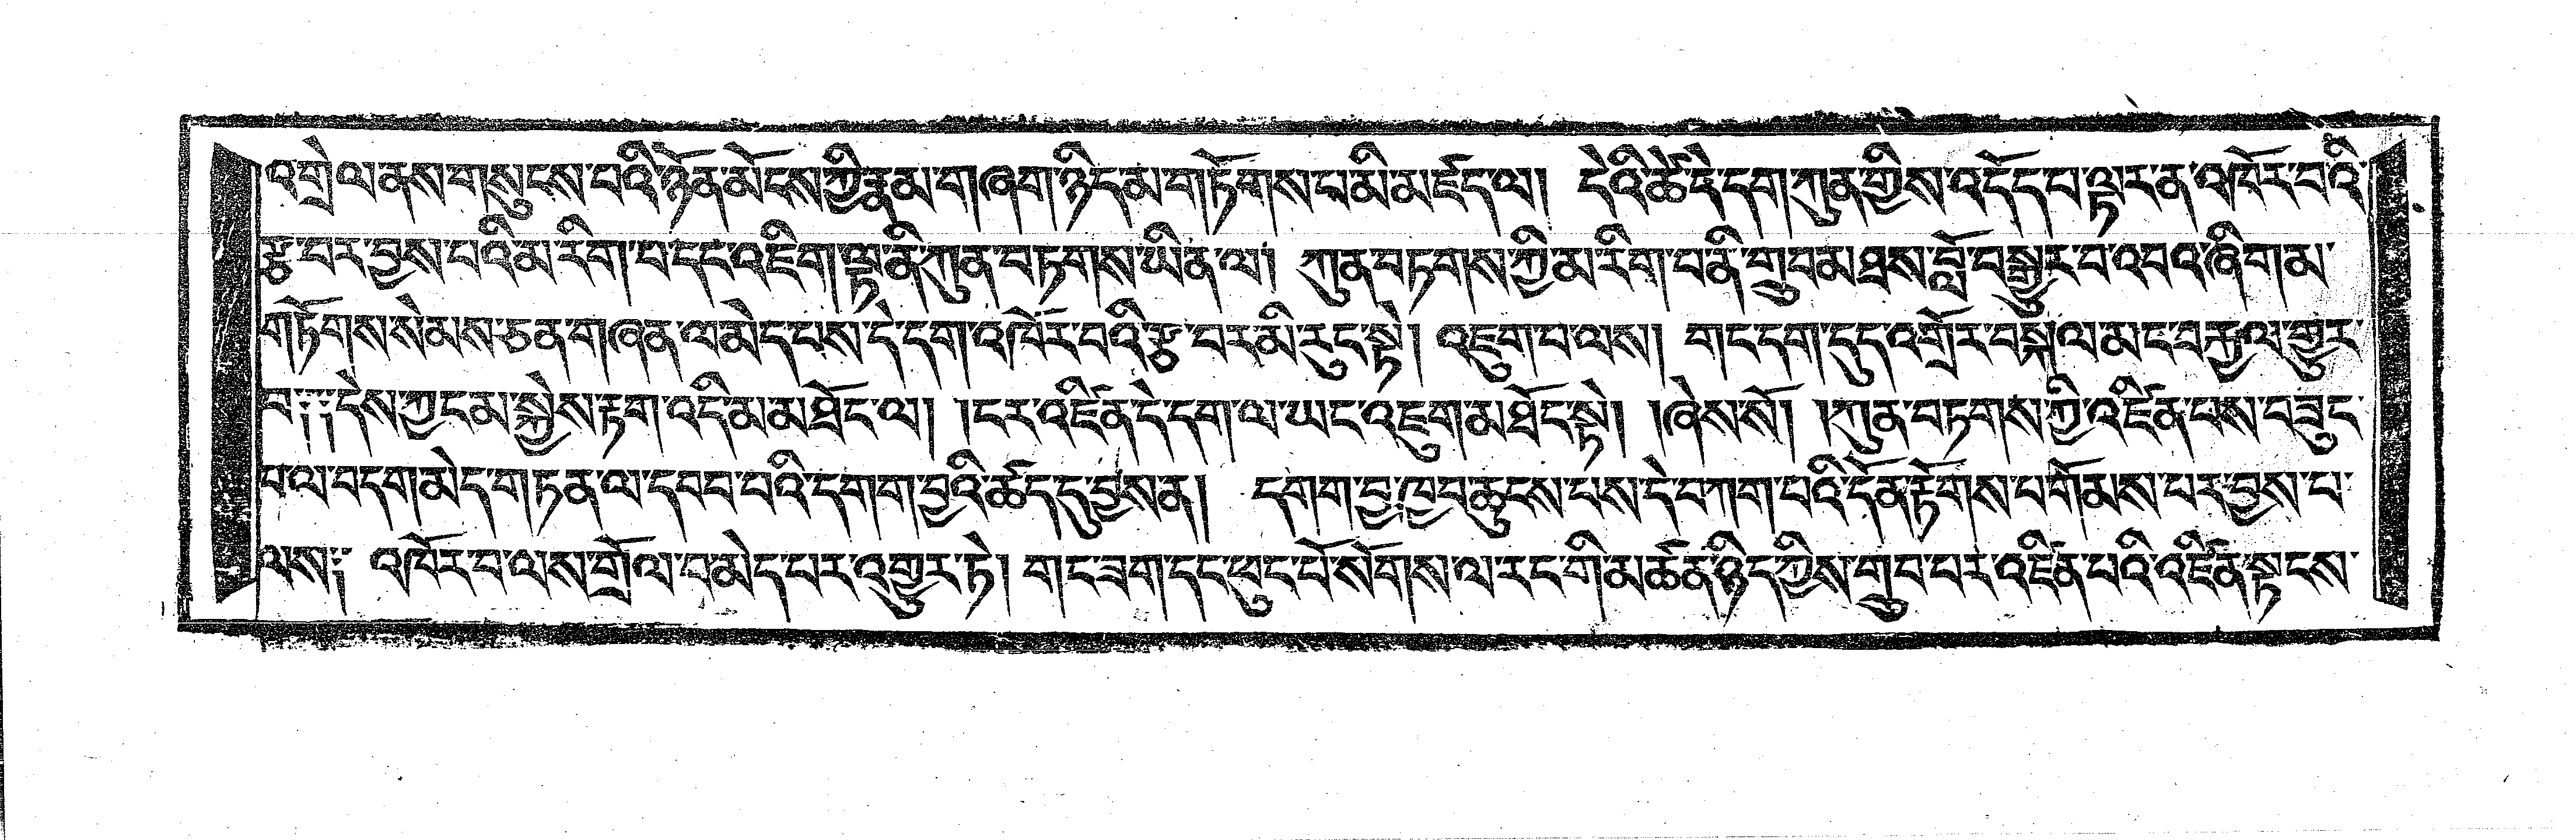འགྲེལ་ནས་གསུངས་པའི་ཉོན་མོངས་ཀྱི་རྣམ་གཞག་ཉིད་མ་གཏོགས་པ་མི་མཛད་ལ། དེའི་ཚེ་དེ་དག་ཀུན་གྱིས་འདོད་པ་ལྟར་ན་འཁོར་བའི་
རྩ་བར་བྱས་པའི་མ་རིག་པ་དང་འཇིག་ལྟ་ནི་ཀུན་བཏགས་ཡིན་ལ། ཀུན་བཏགས་ཀྱི་མ་རིག་པ་ནི་གྲུབ་མཐས་བློ་བསྒྱུར་བ་འབའ་ཞིག་མ་
གཏོགས་སེམས་ཅན་གཞན་ལ་མེད་པས་དེ་དག་འཁོར་བའི་རྩ་བར་མི་རུང་སྟེ། འཇུག་པ་ལས། གང་དག་དུད་འགྲོར་བསྐལ་མང་བརྐྱལ་གྱུར་
བ༑ ༑དེས་ཀྱང་མ་སྐྱེས་རྟག་འདི་མ་མཐོང་ལ། །ངར་འཛིན་དེ་དག་ལ་ཡང་འཇུག་མཐོང་སྟེ། །ཞེས་སོ། །ཀུན་བཏགས་ཀྱི་འཛིན་པས་བཟུང་
བ་ལ་བདག་མེད་གཏན་ལ་དབབ་པའི་དགག་བྱའི་ཚད་དུ་བྱས་ན། དགག་བྱ་ཁྱབ་ཆུངས་པས་དེ་བཀག་པའི་དོན་རྟོགས་པ་གོམས་པར་བྱས་པ་
ལས༑ འཁོར་བ་ལས་གྲོལ་བ་མེད་པར་འགྱུར་ཏེ། གང་ཟག་དང་ཕུང་པོ་སོགས་ལ་རང་གི་མཚན་ཉིད་ཀྱིས་གྲུབ་པར་འཛིན་པའི་འཛིན་སྟངས་